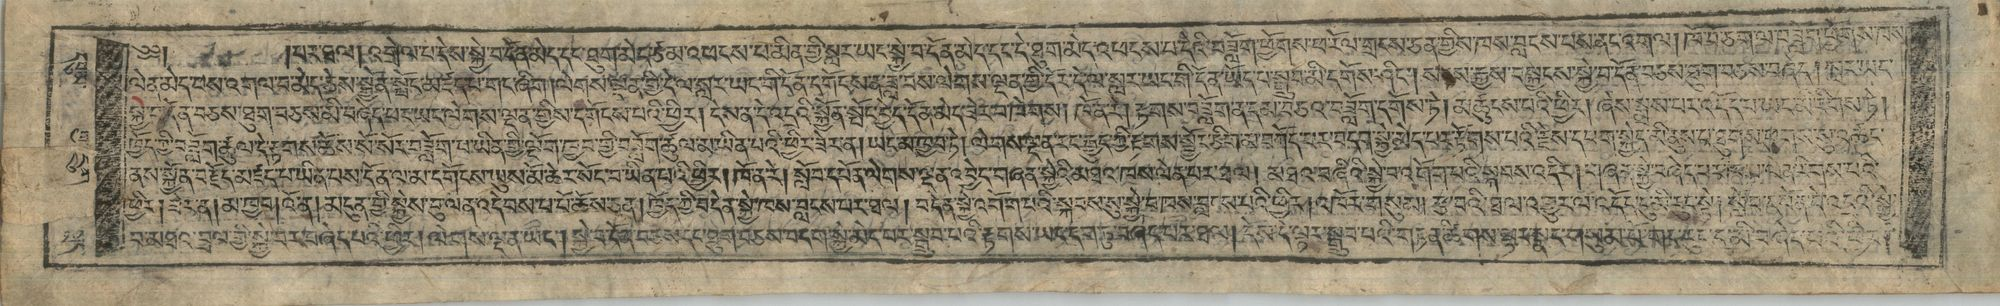༄༅། །པར་ཐལ། འགྲེལ་པ་དེས་སྐྱེ་བ་དོན་མེད་དང་ཐུག་མེད་ཙམ་འཕངས་པ་མིན་གྱི་སླར་ཡང་སྐྱེ་བ་དོན་མེད་དང་དེ་ཐུག་མེད་འཕངས་བ་དེའི་བཟློག་ཕྱོགས་ཕ་རོལ་གྲངས་ཅན་གྱིས་ཁས་བླངས་པས་ནང་འགལ། ཁོ་བོ་ཅག་ལ་བཟློག་ཕྱོགས་ཁས་
ལེན་མེད་པས་འགལ་བ་མེད་ཅེས་སྐྱོན་སྤོང་མཛད་པ་གང་ཞིག །ལེགས་ལྡན་བྱི་དེ་ལ་སླར་ཡང་གི་དོན་དགོངས་ན་ཟླ་བས་ལེགས་ལྡན་གྱི་ངོར་དེ་ལ་སླར་ཡང་གི་དོན་ཡོད་པ་སྒྲུབ་མི་དགོས་ཤིང་། སངས་རྒྱས་བསྐྱངས་སྐྱེ་བ་དོན་བཅས་ཐུག་བཅས་བཞེད། སླར་ཡང་
སྐྱེ་བ་དོན་བཅས་ཐུག་བཅས་མི་བཞེད་པར་ཡང་ལེགས་ལྡན་གྱིས་དགོངས་པའི་ཕྱིར། དེས་ན་དེ་འདྲའི་སྐྱོན་སྤོང་བྱེད་དོན་མེད་ཟེར་བ་ཁེགས། ཁོ་ན་རེ། རྟགས་བཟློག་ན་དམ་བཅའ་བཟློག་དགོས་ཏེ། མཚུངས་པའི་ཕྱིར། ཞེས་སྨྲས་པར་འདོད་པ་ཡང་མི་རིགས་ཏེ།
ཁྱོད་ཀྱི་བཟློག་ཚུལ་དེ་རྟགས་ཆོས་སོ་སོར་བཟློག་པ་ཡིན་གྱི་ལྡོག་ཁྱབ་གྱི་བཟློག་ཚུལ་མ་ཡིན་པའི་ཕྱིར་ཟེར་ན། ཡང་མ་ཁྱབ་ཏེ། ལེགས་ལྡན་རང་རྒྱུད་ཀྱི་རྟགས་སྦྱོར་ཅིག་མ་བཀོད་པར་བདག་སྐྱེ་མེད་པར་རྟོགས་པའི་རྗེས་དཔག་སྐྱེད་མི་ནུས་པ་ཐུགས་ཕུགས་སུ་འཚང་
ནས་སྐྱོན་བརྗོད་མཛད་པ་ཡིན་པས་དོན་ལམ་དགོངས་ཡུསྨོ་ཆེར་སོང་བ་ཡིན་པའི་ཕྱིར། ཁོ་ན་རེ། སློབ་དཔོན་ལེགས་ལྡན་འབྱེད་གཞན་སྐྱེའི་མཐའ་ཁས་ལེན་པར་ཐལ། མཐའ་བཞིའི་སྐྱེ་བ་འགོག་པའི་སྐབས་འདིར། གཞན་སྐྱེ་བ་ཞེདཔར་ཁས་ལེན་རིགས་པའི་
ཕྱིར། ཟེར་ན། མ་ཁྱབ། འོ་ན། མདུན་གྱི་སྐྱེས་བུ་ལན་འདེབས་པ་པོ་ཆོས་ཅན། ཁྱོད་ཀྱི་བདེན་སྐྱེ་ཁས་བླངས་པར་ཐལ། བདེན་སྐྱེ་འགོག་པའི་སྐབས་སུ་སྐྱེ་བ་ཁས་བླངས་པའི་ཕྱིར། འཁོར་གསུམ། རྩ་བའི་ཐལ་འགྱུར་ལ་འདོད་དུ་མི་རུང་སྟེ། སློབ་དཔོན་དེ་འདྲའི་སྐྱེ་
བ་མཐའ་བྲལ་གྱི་སྐྱེ་བར་བཞེད་པའི་ཕྱིར། ལེགས་ལྡན་ཡང་། སྐྱེ་བ་དོན་བཅས་དང་ཐུག་བཅས་བདག་སྐྱེ་མེད་པར་སྒྲུབ་པའི་རྟགས་ཡང་དག་ཏུ་བཞེད་པར་ཐལ། དེས་དེ་ལྟར་སྒྲུབ་པའི་གཏན་ཚིགས་ལྟར་སྣང་གསུམ་པོ་གང་རུང་དུ་མི་བཞེད་པའི་ཕྱིར།